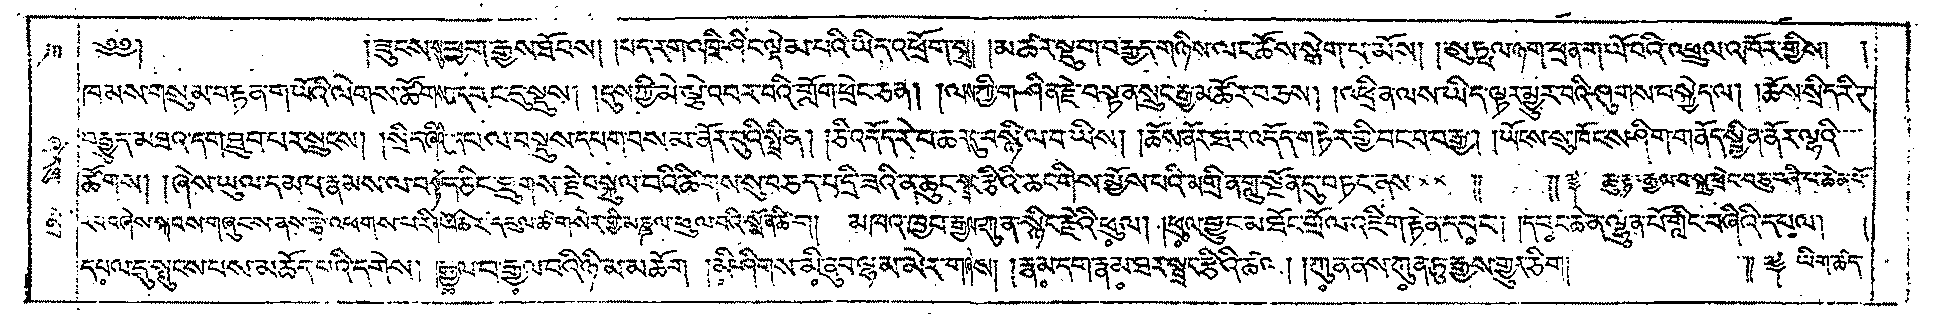༄༅། །ཟུངས་སུ་ཕྱག་རྒྱས་ཐོབས། །པད་རག་འཁྲི་ཤིང་ལྡེམ་པའི་ཡིད་འཕྲོག་སྐུ། །མཚར་སྡུག་བརྒྱད་གཉིས་ལང་ཚོས་སྒེག་པ་མོས། །ཨུཏྤལ་ཉག་ཕྲན་གཡོ་བའི་འཕྲུལ་འཁོར་གྱིས། །
ཁམས་གསུམ་བརྟན་གཡོའི་ལེགས་ཚོགས་དབང་དུ་སྡུས། །དུས་ཀྱི་མེ་ལྕེ་འབར་བའི་གློག་ཕྲེང་ཅན། །ལས་ཀྱི་གཤིན་རྗེ་བསྟན་སྲུང་རྒྱ་མཚོར་བཅས། །འཕྲིན་ལས་ཡིད་ལྟར་མྱུར་བའི་ཤུགས་བསྐྱེད་ལ། །ཆོས་སྲིད་རིགས་
བརྒྱུད་མཐའ་དག་ཐུབ་པར་སྲུངས། །སྲིད་ཞིའི་དཔལ་བསྡུས་དཔག་བསམ་ནོར་བུའི་སྤྲིན། །ཅི་འདོད་རེ་བ་ཆར་དུ་བསྙིལ་བ་ཡིས། །ཆོས་ནོར་ཐར་འདོད་གཏེར་གྱི་བང་བ་བརྒྱ། །ཡོངས་སུ་ཁོངས་ཤིག་གནོད་སྦྱིན་ནོར་ལྷའི་
ཚོགས། །ཞེས་ཡུལ་དམ་པ་རྣམས་ལ་བསྟོད་ཅིང་ཐུགས་རྗེ་བསྐུལ་བའི་ཚིགས་སུ་བཅད་པ་དྲི་ཟའི་ན་ཆུང་སྦྲང་རྩིའི་ཆང་གིས་མྱོས་པའི་མགྲིན་གླུ་སྔོན་དུ་བཏང་ནས་྾་྾།། །། ༈ ཆུ་རྟ་༧རྒྱལ་བ་སྐུ་ཕྲེང་བཅུ་བཞི་པ་ཆེན་པོ་
རབ་བཞེས་སྐབས་གཞུངས་ནས་རྩེ་འཕགས་པ་རིན་པོ་ཆེར་དངུལ་ཚ་གསེར་གྱི་མཎྜལ་ཕུལ་བའི་སྨོན་ཚིག ། མཁའ་ཁྱབ་རྒྱལ་ཀུན་སྙིང་རྗེའི་ཕུལ྾། །ཕུལ྾་བྱུང་མཐོང་གྲོལ་འཇིག་རྟེན་དབང྾། །དབང྾་ཆེན་ལྷུན་པོ་གླིང་བཞིའི་དཔལ྾། །
དཔལ྾་དུ་སྤུངས་པས་མཆོད་པའི་དགེས། །རྒྱལ྾་བ་རྒྱལ྾་བའི་ཉི་མ་མཆོག །མི྾་ཤིགས་མི྾་ནུབ་ལྷམ་མེར་གཞེས། །རྣམ྾་དག་རྣམ྾་ཐར་སྦྲང་རྩིའི་ཚལ། །ཀུན྾་ནས་ཀུན྾་ཏུ་རྒྱས་གྱུར་ཅིག ། །། ༈ ཡིག་ཚད་